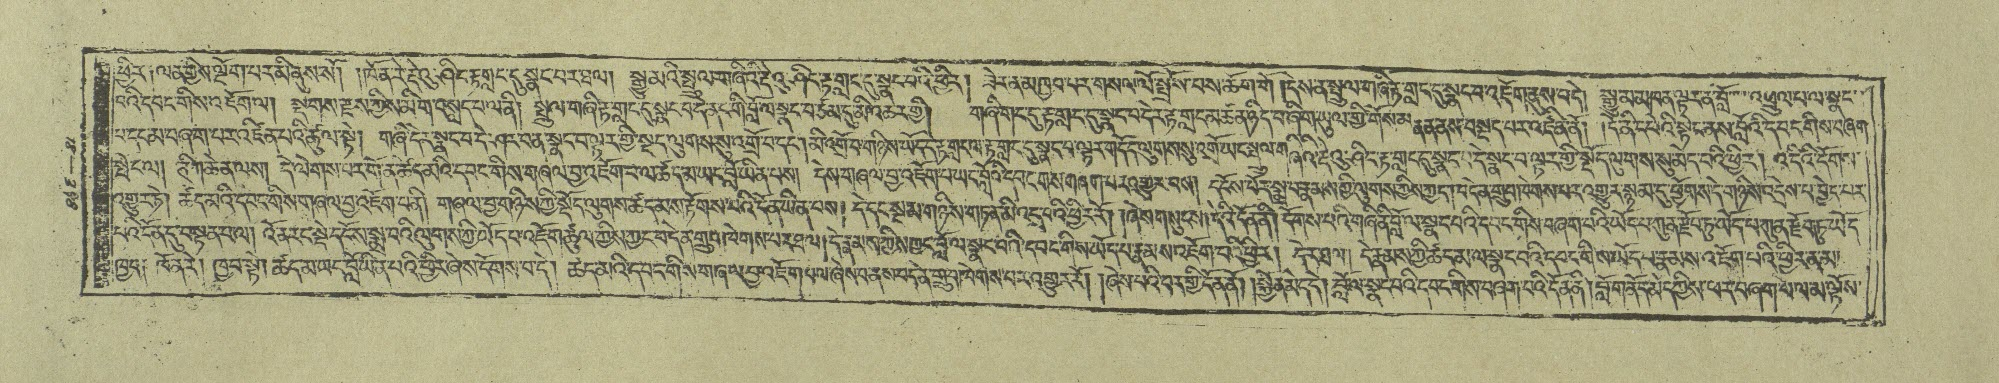ཕྱིར། ལན་གྱིས་ལྡོག་པར་མི་ནུས་སོ། །ཁོ་ན་རེ་རྡེའུ་ཤིང་རྟ་གླང་དུ་སྣང་བར་ཐལ། སྒྱུ་མའི་སྤྲུལ་གཞིའི་རྡེའུ་ཤིང་རྟ་གླང་དུ་སྣང་བའི་ཕྱིར། ཟེར་ན་མ་ཁྱབ་པར་གསལ་ལོ་སྤྲོས་པས་ཆོག་གོ །དེས་ན་སྤྲུལ་གཞི་རྟ་གླང་དུ་སྣང་བ་འཇོག་ནུས་པ་དེ། སྒྱུ་མ་མཁན་ལྟར་ན་བློ་འཁྲུལ་པ་ལ་སྣང་
བའི་དབང་གིས་འཇོག་ལ། སྔགས་རྫས་ཀྱིས་མིག་སླད་པ་ལ་ནི། སྤྲུལ་གཞི་རྟ་གླང་དུ་སྣང་བ་དེ་ནང་གི་བློ་ལ་སྣང་བ་ཙམ་དུ་མི་འཆར་གྱི། གཞི་གང་དུ་རྟ་གླང་དུ་སྣང་བ་དེར་རྟ་གླང་མཚན་ཉིད་པ་ཞིག་ཡུལ་གྱི་གོས་མནན་ནས་བསྡད་པར་འཛིན་ནོ། །དེ་ནི་དཔེའི་སྟེང་ནས་བློའི་དབང་གིས་བཞག་
པ་དང་མ་བཞག་པར་འཛིན་པའི་ཚུལ་སྟེ། གཞི་དེར་སྣང་བ་དེ་ཤར་བ་ན་སྣང་བ་ལྟར་གྱི་སྡད་ལུགས་སུ་འགྲོ་བ་དང་། མི་འགྲོ་བ་གཉིས་ཡོད་དེ་རྟ་གླང་ལ་རྟ་གླང་དུ་སྣང་བ་ལྟར་གདོད་ལུགས་སུ་འགྲོ་ཡང་སྤྲུལ་གཞིའི་རྡེའུ་ཤིང་རྟ་གླང་དུ་སྣང་བ་དེ་སྣང་བ་ལྟར་གྱི་སྡོད་ལུགས་སུ་མེད་པའི་ཕྱིར། འདིའི་དོགས་
སྤོང་ལ། ཊིཀ་ཆེན་ལས། དེ་ལེགས་པར་གོ་ན་ཚད་མའི་དབང་གིས་གཞལ་བྱ་འཇོག་པ་ལ་ཚད་མ་ཡང་བློ་ཡིན་པས། དེས་གཞལ་བྱ་འཇོག་པ་ཡང་བློའི་དབང་གིས་གཞག་པར་འགྱུར་པས། དངོས་པོར་སྨྲ་བ་རྣམས་ཀྱི་ལུགས་ཀྱིས་ཀྱང་། བདེན་གྲུབ་ཁེགས་པར་འགྱུར་སྙམ་དུ་ཕྱོགས་དེ་གཉིས་འདྲེས་པ་བྱེད་པར་
འགྱུར་ཏེ། ཚད་མའི་དབང་གིས་གཞལ་བྱ་འཇོག་པ་ནི། གཞལ་བྱ་གཉིས་ཀྱི་སྡོད་ལུགས་ཚད་མས་རྟོགས་པའི་དོན་ཡིན་པས། དེ་དང་སྔ་མ་གཉིས་གཏན་མི་འདྲ་བའི་ཕྱིར་རོ། །ཞེས་གསུངས། དེའི་དོན་ནི། དོགས་པའི་གཞི་ནི་བློ་ལ་སྣང་བའི་དབང་གིས་བཞག་པའི་ཡོད་པ་ཀུན་རྫོབ་ཏུ་ཡོད་པ་ཀུན་རྫོབ་ཏུ་ཡོད་
པའི་དོན་དུ་བསྟན་པ་ལ། འོ་ན་རང་སྡེ་དངོས་སྨྲ་བའི་ལུགས་ཀྱི་ཡོད་པ་འཇོག་ཚུལ་ཀྱིས་ཀྱང་བདེན་གྲུབ་ཁེགས་པར་ཐལ། དེ་རྣམས་ཀྱིས་ཀྱང་བློ་ལ་སྣང་བའི་དབང་གིས་ཡོད་པ་རྣམས་འཇོག་པའི་ཕྱིར། དེར་ཐལ། དེ་རྣམས་ཀྱི་ཚད་མ་ལ་སྣང་བའི་དབང་གིས་ཡོད་པ་རྣམས་འཇོག་པའི་ཕྱིར་ན་མ་
ཁྱབ། ཁོ་ན་རེ། ཁྱབ་སྟེ། ཚད་མ་ཡང་བློ་ཡིན་པའི་ཕྱིར་ཞེས་དོགས་པ་དེ། ཚད་མའི་དབང་གིས་གཞལ་བྱ་འཇོག་པ་ལ་ཞེས་པ་ནས་བདེན་གྲུབ་ཁེགས་པར་འགྱུར་རོ། །ཞེས་པའི་བར་གྱི་དོན་ནོ། །སྐྱོན་མེད་དེ། བློ་ལ་སྣང་བའི་དབང་གིས་བཞག་པའི་དོན་ནི། བློ་གནོད་མེད་ཀྱིས་ཕར་བཞག་པ་ལ་མ་ལྟོས་